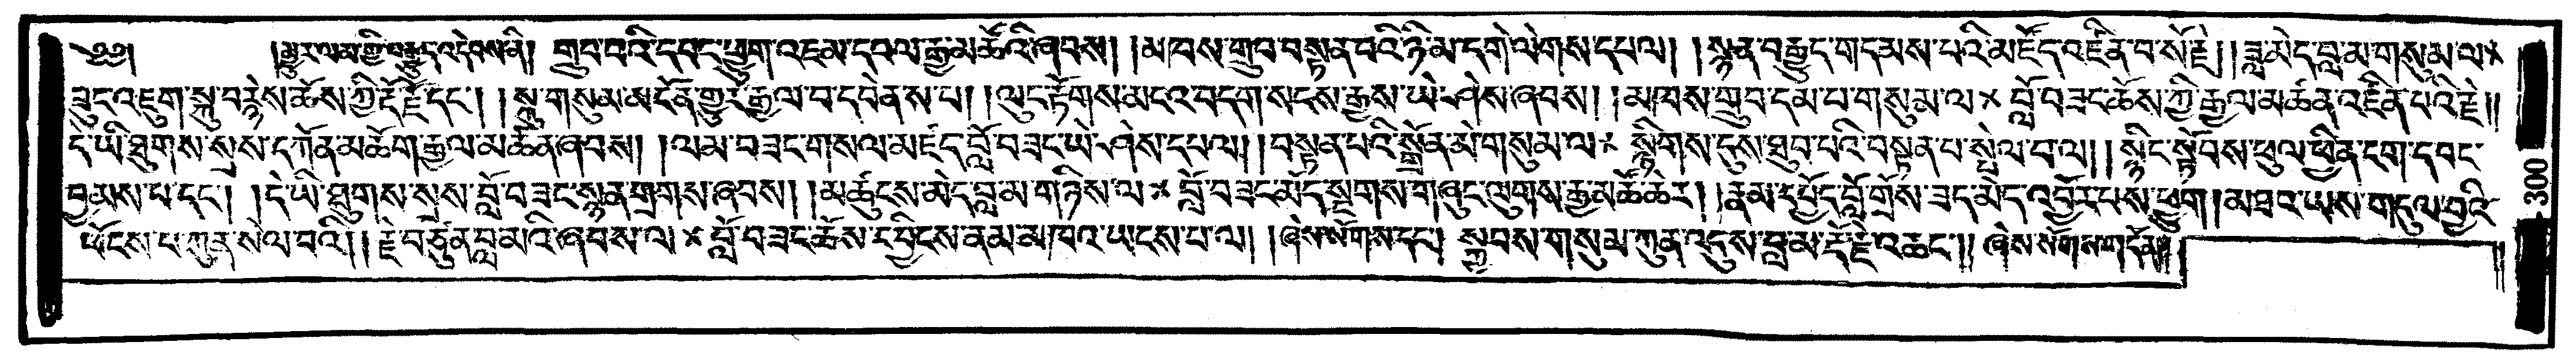༄༅། །མྱུར་ལམ་གྱི་བརྒྱུད་འདེབས་ནི། གྲུབ་པའི་དབང་ཕྱུག་འཇམ་དཔལ་རྒྱ་མཚོའི་ཞབས། །མཁས་གྲུབ་བསྟན་པའི་ཉི་མ་དགེ་ལེགས་དཔལ། །སྙན་བརྒྱུད་གདམས་པའི་མཛོད་འཛིན་པ་སོ་རྗེ། །ཟླ་མེད་བླ་མ་གསུམ་ལ་{྾}
ཟུང་འཇུག་སྐུ་བརྙེས་ཆོས་ཀྱི་རྡོ་རྗེ་དང་། །སྐུ་གསུམ་མངོན་གྱུར་རྒྱལ་བ་དབེན་ས་པ། །ལུང་རྟོགས་མངའ་བདག་སངས་རྒྱས་ཡེ་ཤེས་ཞབས། །མཁས་གྲུབ་དམ་པ་གསུམ་ལ་{྾}་བློ་བཟང་ཆོས་ཀྱི་རྒྱལ་མཚན་འཛིན་པའི་རྗེ།།
དེ་ཡི་ཐུགས་སྲས་དཀོན་མཆོག་རྒྱལ་མཚན་ཞབས། །ལམ་བཟང་གསལ་མཛད་བློ་བཟང་ཡེ་ཤེས་དཔལ། །བསྟན་པའི་སྒྲོན་མེ་གསུམ་ལ་{྾}་སྙིགས་དུས་ཐུབ་པའི་བསྟན་པ་སྤེལ་བ་ལ། །སྙིང་སྟོབས་ཕུལ་ཕྱིན་ངག་དབང་
བྱམས་པ་དང་། །དེ་ཡི་ཐུགས་སྲས་བློ་བཟང་སྙན་གྲགས་ཞབས། །མཚུངས་མེད་བླ་མ་གཉིས་ལ་{྾}་བློ་བཟང་མོད་སྔགས་གཞུང་ལུགས་རྒྱ་མཚོ་ཆེར། །རྣམ་དཔྱོད་བློ་གྲོས་ཟད་མེད་འབྱོར་བས་ཕྱུག །མཐའ་ཡས་གདུལ་བྱའི་
ཕོངས་པ་ཀུན་སེལ་བའི། །རྗེ་བཙུན་བླ་མའི་ཞབས་ལ་{྾}་བློ་བཟང་ཆོས་དབྱིངས་ནམ་མཁའ་ཡངས་པ་ལ། །ཞེས་སོགས་དང་། སྐྱབས་གསུམ་ཀུན་འདུས་བླ་མ་རྡོ་རྗེ་འཆང་། །ཞེས་སོགས་གདོན།